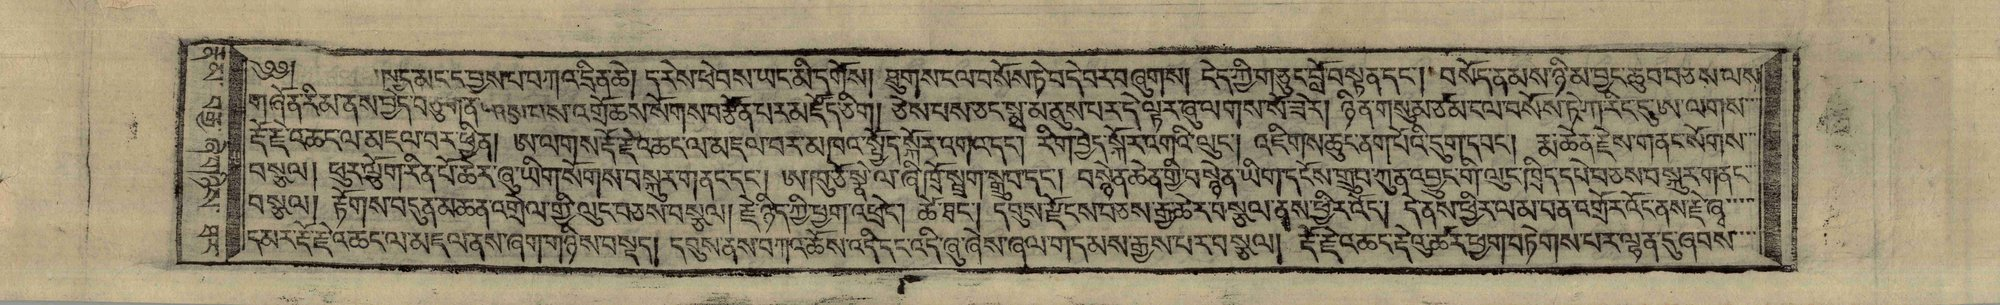༄༅། །སྤྱད་མང་དུ་བྱས་པ་བཀའ་དྲིན་ཆེ། ད་རེས་ཕེབས་ཡང་མི་དགོས། ཐུགས་ངལ་བསོས་ཏེ་བདེ་བར་བཞུགས། ངེད་ཀྱི་གཅུང་བློ་བསྟན་དང་། བསོད་ནམས་ཉི་མ་བྱང་ཆུབ་བཅས་ལས་
གཞོན་རིམ་ནས་བྱེད་བཅུག་ན་འཐུས་པས་འགྲོ་ཆས་སོགས་བརྩོན་པར་མཛོད་ཅིག །ཅེས་པས་ཅང་སྨྲ་མ་ནུས་པར་དེ་ལྟར་ཞུ་ལགས་སོ་ཟེར། ཉིན་གསུམ་ཙམ་ངལ་བསོས་ཏེ་ཀ་རིང་དུ་ཨ་ལགས་
རྡོ་རྗེ་འཆང་ལ་མཇལ་བར་ཕྱིན། ཨ་ལགས་རྡོ་རྗེ་འཆང་ལ་མཇལ་བར་མཁའ་སྤྱོད་སྐོར་འགའ་དང་། རིག་བྱེད་སྐོར་འགའི་ལུང་། འཇིགས་ཆུང་ནག་པོའི་དུག་དབང་། རྨ་ཆེན་རྗེས་གནང་སོགས་
བསྩལ། ཕུར་ལྕོག་རིན་པོ་ཆེར་ཞུ་ཡིག་སོགས་བསྐུར་གནང་དང་། ཨ་ཁུ་ཅོ་སྣེ་ལ་ཞི་ཁྲོ་སྦྲག་སྒྲུབ་དང་། བསྙེན་ཆེན་གྱི་བསྙེན་ཡིག་དངོས་གྲུབ་ཀུན་འབྱུང་གི་ལུང་ཁྲིད་དཔེ་བཅས་བསྐུར་གནང་
བསྩལ། རྟོགས་བདུན་མཆན་འགྲེལ་གྱི་ལུང་བཅས་བསྩལ། རྗེ་ཉིད་ཀྱི་ཕྱག་འཕྲེང་། ཚེ་ཐང་། དབུས་རྫོངས་བཅས་རྒྱ་ཆེར་བསྩལ་ནས་ཕྱིར་འོང་། དེ་ནས་ཕྱིར་ལམ་བན་འགྲོར་འོང་ནས་རྗེ་ཞྭ་
དམར་རྡོ་རྗེ་འཆང་ལ་མཇལ་ནས་ཞག་གཉིས་བསྡད། དབུས་ནས་བཀའ་ཆོས་འདི་དང་འདི་ཞུ་ཞེས་ཞལ་གདམས་རྒྱས་པར་བསྩལ། རྡོ་རྗེ་འཆང་རྡེའུ་ཚར་ཕྱག་བཏེགས་པར་ལྷན་དུ་ཞབས་